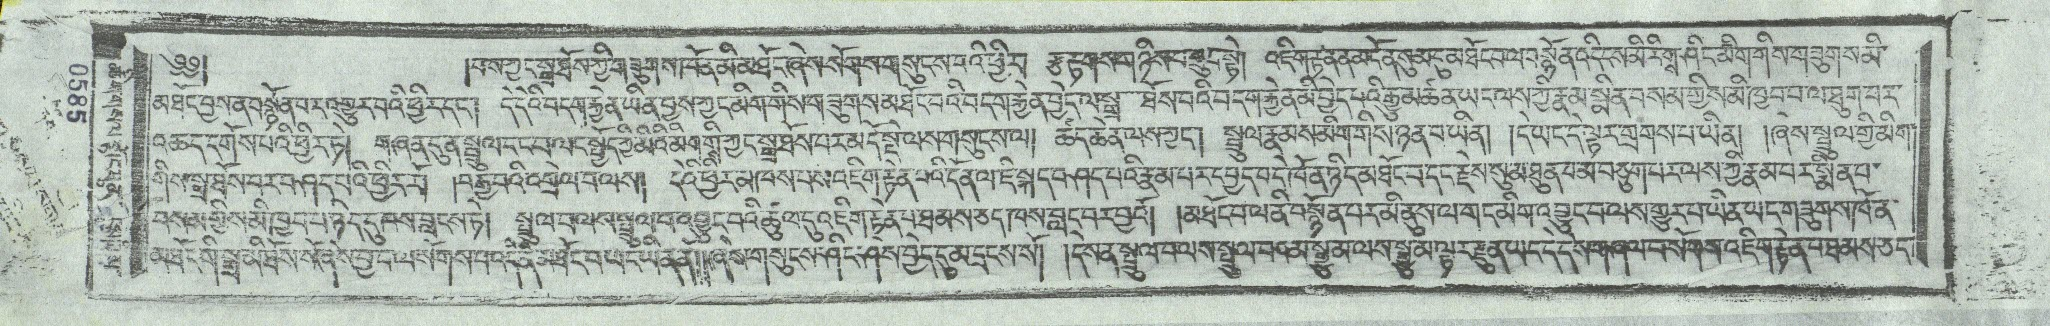༄༅། །བས་ཀྱང་སྒྲ་ཐོས་ཀྱི་གཟུགས་ཁོ་ན་མི་མཐོང་ཞེས་སོགས་གསུངས་པའི་ཕྱིར། རྩ་རྟགས་གཉིས་པ་གྲུབ་སྟེ། འཇིག་རྟེན་ན་མངོན་སུམ་དུ་མཐོང་བ་ལ་བསྙོན་འདིངས་མི་རིགས་ཤིང་མིག་གིས་གཟུགས་མི་
མཐོང་བྱས་ན་བསྙོན་པར་འགྱུར་བའི་ཕྱིར་དང་། དེ་དེའི་བདག་རྐྱེན་ཡིན་བྱས་ཀྱང་མིག་གིས་གཟུགས་མཐོང་བའི་བདག་རྐྱེན་བྱེད་ལ་སྒྲ་ཐོས་བའི་བདག་རྐྱེན་མི་བྱེད་པའི་རྒྱུ་མཚན་ཡང་ལས་ཀྱི་རྣམ་སྨིན་བསམ་གྱིས་མི་ཁྱབ་པ་ལ་ཐུག་པར་
འཆད་དགོས་པའི་ཕྱིར་ཏེ། གཞན་དུ་ན་སྦྲུལ་དང་བ་ལང་སྤྱོད་ཀྱི་མིའི་མིག་གིས་ཀྱང་སྒྲ་ཐོས་པར་མདོ་སྡེ་ལས་གསུངས་ལ། ཚད་ཆེན་ལས་ཀྱང་། སྦྲུལ་རྣམས་མིག་གིས་ཉན་པ་ཡིན། །དེ་ཡང་དེ་ལྟར་གྲགས་པ་ཡིན། །ཞེས་སྦྲུལ་གྱི་མིག་
གིས་སྒྲ་ཐོས་པར་བཤད་པའི་ཕྱིར་རོ། །བརྒྱ་བའི་འགྲེལ་བ་ལས། དེའི་ཕྱིར་མཁས་པས་འཇིག་རྟེན་པའི་དོན་ལ་ཇི་སྐད་བཤད་པའི་རྣམ་པར་དཔྱད་པ་དེ་ཁོ་ན་ཉིད་མཐོང་བ་དང་རྗེས་སུ་མཐུན་པ་མ་བཅུག་པར་ལས་ཀྱི་རྣམ་པར་སྨིན་པ་
བསམ་གྱིས་མི་ཁྱབ་པ་ཉིད་དུ་ཁས་བླངས་ཏེ། སྤྲུལ་བ་ལས་སྤྲུལ་བ་འབྱུང་བའི་ཚུལ་དུ་འཇིག་རྟེན་པ་ཐམས་ཅད་ཁས་བླང་བར་བྱའོ། །མཐོང་བ་ལ་ནི་བསྙོན་པར་མི་ནུས་ལ་གང་མིག་འབྱུང་བ་ལས་གྱུར་པ་ཡིན་ཡང་གཟུགས་ཁོ་ན་
མཐོང་གི་སྒྲ་མི་ཐོས་སོ་ཞེས་བྱ་བ་ལ་སོགས་པ་འདི་ནི་མཐོང་བ་ཡང་ཡིན་ནོ། །ཞེས་གསུངས་ཤིང་ཤེས་བྱེད་དུ་མ་དྲངས་སོ། །དེས་ན་སྤྲུལ་བ་ལས་སྤྲུལ་བའམ་སྒྱུ་མ་ལས་སྒྱུ་མ་ལྟར་རྫུན་ཡང་དེ་དེས་གཞལ་བ་སོགས་འཇིག་རྟེན་པ་ཐམས་ཅད་